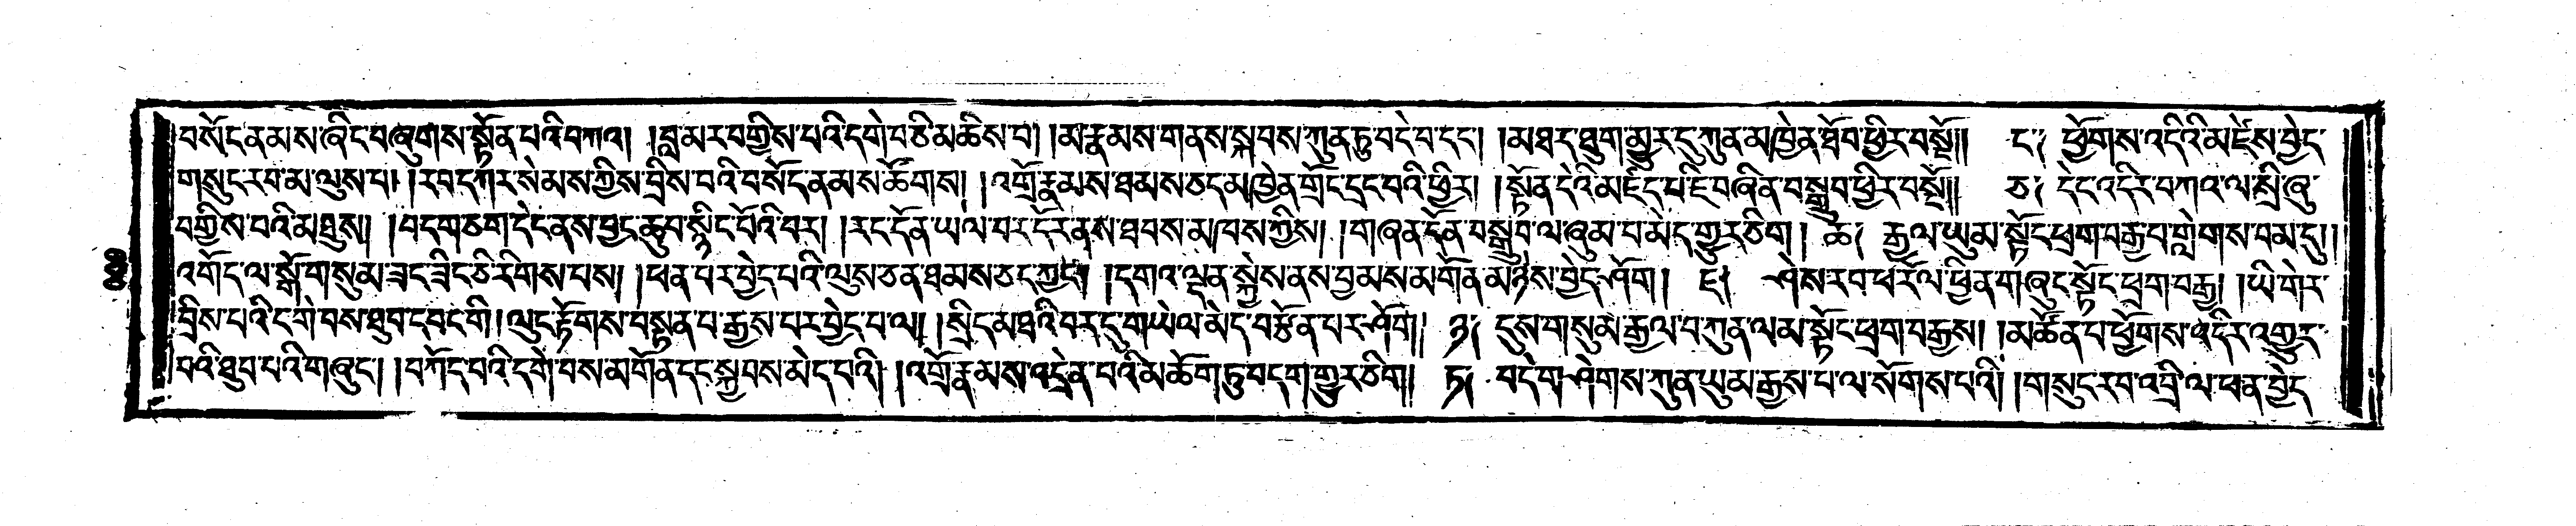བསོད་ནམས་ཞིང་བཞུགས་སྟོན་པའི་བཀའ། །བླ་མར་བགྱིས་པའི་དགེ་བ་ཅི་མཆིས་པ། །མ་རྣམས་གནས་སྐབས་ཀུན་ཏུ་བདེ་བ་དང་། །མཐར་ཐུག་མྱུར་དུ་ཀུན་མཁྱེན་ཐོབ་ཕྱིར་བསྔོ།། ང༑ ཕྱོགས་འདིའི་མཛེས་བྱེད་
གསུང་རབ་མ་ལུས་པ། །རབ་དཀར་སེམས་ཀྱིས་བྲིས་པའི་བསོད་ནམས་ཚོགས། །འགྲོ་རྣམས་ཐམས་ཅད་མཁྱེན་གྲོང་དྲང་བའི་ཕྱིར། །སྟོན་དེའི་མཛད་པ་ཇི་བཞིན་བསྒྲུབ་ཕྱིར་བསྔོ།། ཅ༑ དེང་འདིར་བཀའ་ལ་སྲི་ཞུ་
བགྱིས་པའི་མཐུས། །བདག་ཅག་དེང་ནས་བྱང་ཆུབ་སྙིང་པོའི་བར། །རང་དོན་ཡལ་བར་དོར་ནས་ཐབས་མཁས་ཀྱིས། །གཞན་དོན་བསྒྲུབ་ལ་ཞུམ་པ་མེད་གྱུར་ཅིག །ཆ༑ རྒྱལ་ཡུམ་སྟོང་ཕྲག་བརྒྱ་པ་གླེགས་བམ་དུ། །
འགོད་ལ་སྒོ་གསུམ་ཟང་ཟིང་ཅི་རིགས་པས། །ཕན་པར་བྱེད་པའི་ལུས་ཅན་ཐམས་ཅད་ཀྱང་། །དགའ་ལྡན་སྐྱེས་ནས་བྱམས་མགོན་མཉེས་བྱེད་ཤོག །ཇ༑ ཤེས་རབ་ཕ་རོལ་ཕྱིན་གཞུང་སྟོང་ཕྲག་བརྒྱ། །ཡི་གེར་
བྲིས་པའི་དགེ་བས་ཐུབ་དབང་གི །ལུང་རྟོགས་བསྟན་པ་རྒྱས་པར་བྱེད་པ་ལ། །སྲིད་མཐའི་བར་དུ་གཡེལ་མེད་བརྩོན་པར་ཤོག །ཉ༑ དུས་གསུམ་རྒྱལ་བ་ཀུན་ལམ་སྟོང་ཕྲག་བརྒྱས། །མཚོན་པ་ཕྱོགས་འདིར་འགྱུར་
བའི་ཐུབ་པའི་གཞུང་། །བཀོད་པའི་དགེ་བས་མགོན་དང་སྐྱབས་མེད་པའི། །འགྲོ་རྣམས་འདྲེན་པའི་མཆོག་ཏུ་བདག་གྱུར་ཅིག །ཏ༑ བདེ་གཤེགས་ཀུན་ཡུམ་རྒྱས་པ་ལ་སོགས་པའི། །གསུང་རབ་འབྲི་ལ་ཕན་བྱེད་